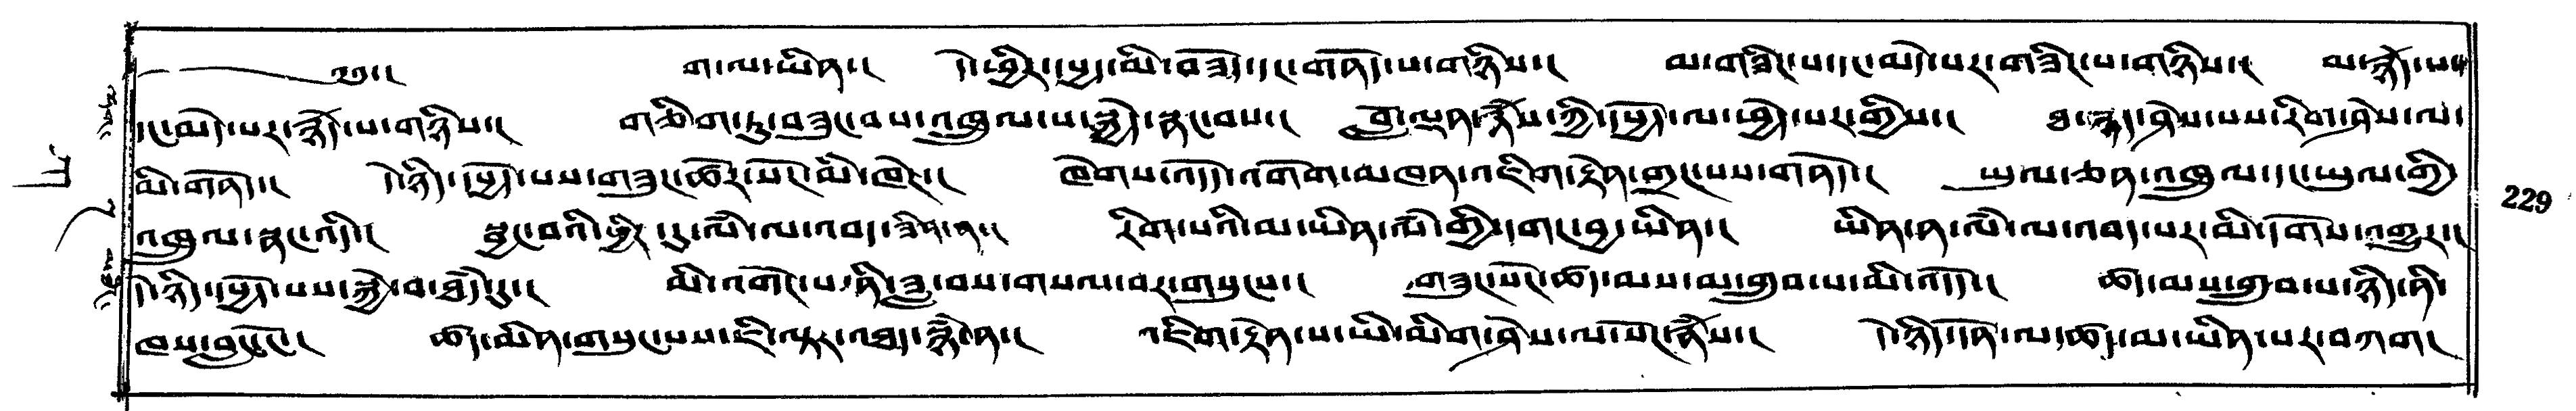ག་ལ་ཡིན། །དེ་ཕྱིར་དཔྱད་མི་བཟོད་དང་གནོད་པ་གཉིས། །མ་གཟིགས་པ་དང་མེད་པར་གཟིགས་པ་གཉིས། །མ་རྙེད་པ་
དང་མེད་པར་རྙེད་པ་གཉིས། །གཅིག་ཏུ་བཟུང་བས་འཁྲུལ་པ་སྐྱེད་སྣང་བས། །བློ་ལྡན་རྣམས་ཀྱི་དཔྱོད་ལ་ཕྱེད་པར་གྱིས། །ཐ་སྙད་ཤེས་པས་རིགས་ཤེས་ལ་
མི་གནོད། །དེ་ཉིད་དཔྱོད་པས་གཟུགས་ཚོར་སོགས་མི་ཁེགས། ཁེགས་འདོད་འགོག་མཁན་འཇིག་རྟེན་གྲགས་པས་གནོད། །ཡུལ་ཅན་འཁྲུལ་དང་ཡུལ་གྱི་
འཁྲུལ་སྣང་འདི། །སྦྱང་བའི་ཕྱིར་དུ་ལམ་ལ་འབད་ཟིན་ན། །རིགས་པའི་མ་ཡིན་ལམ་གྱི་དགག་བྱ་ཡིན། །ཡིན་ན་ལམ་ལ་འབད་པར་མི་དགོས་འགྱུར། །
དེ་ཉིད་དཔྱོད་པས་སྐྱེ་བ་ཐམས་ཅད་དུ། །མི་འགོག་པ་ནི་ཟླ་བས་གསལ་བར་གསུངས། །གཟུགས་སོགས་ཚད་མས་མ་གྲུབ་པ་མི་འདོད། །ཚད་མས་གྲུབ་པ་ཉིད་ནི་
ཁས་བླང་ངོ་། །ཚད་མིན་གསུངས་པས་ཇི་ལྟར་འཐད་སྙམ་ན། །འཇིག་རྟེན་པ་ཡི་མིག་ཤེས་ལ་སོགས་རྣམས། །དེ་ཉིད་དོན་ལ་ཚད་མ་ཡིན་པར་བཀག